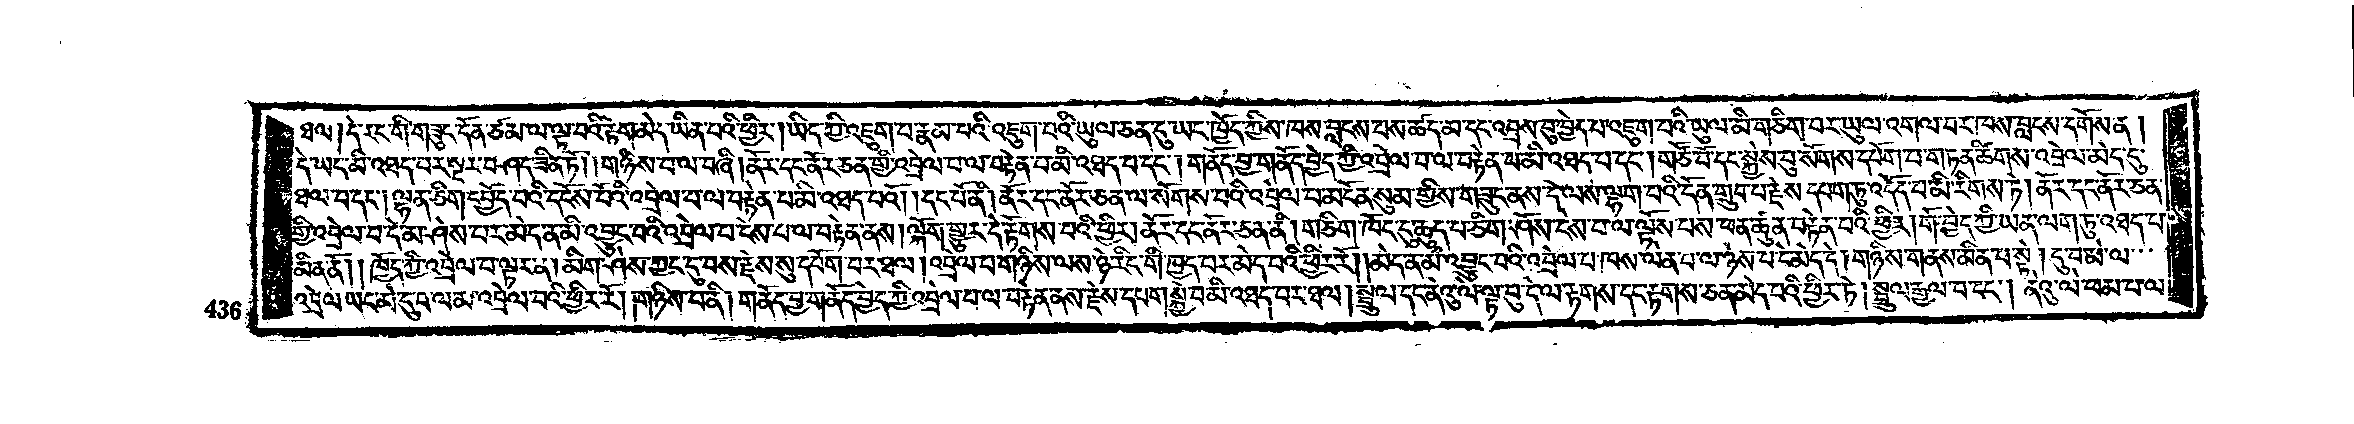ཐལ། དེ་རང་གི་གཟུང་དོན་ཙམ་ལ་ལྟ་བའི་རྟག་མེད་ཡིན་པའི་ཕྱིར། ཡིད་ཀྱི་འཇུག་པ་རྣམ་པའི་འཇུག་པའི་ཡུལ་ཅན་དུ་ཡང་ཁྱོད་ཀྱིས་ཁས་བླངས་པས་ཚད་མ་དང་འབྲས་བུ་བྱེད་པ་འཇུག་པའི་ཡུལ་མི་གཅིག་པར་ཡུལ་འགལ་བར་ཁས་བླངས་དགོས་ན།
དེ་ཡང་མི་འཐད་པར་སྔར་བཤད་ཟིན་ཏོ། །གཉིས་པ་ལ་བཞི། ནོར་དང་ནོར་ཅན་གྱི་འབྲེལ་བ་ལ་བརྟེན་པ་མི་འཐད་པ་དང་། གནོད་བྱ་གནོད་བྱེད་ཀྱི་འབྲེལ་བ་ལ་བརྟེན་པ་མི་འཐད་པ་དང་། གཙོ་བོ་དང་སྐྱེ་བུ་སོགས་དཔོག་པ་གཏན་ཚིགས་འབྲེལ་མེད་དུ་
ཐལ་བ་དང་། ལྷན་ཅིག་དཔྱོད་པའི་དངོས་པོའི་འབྲེལ་བ་ལ་བརྟེན་པ་མི་འཐད་པའོ། །དང་པོ་ནི། ནོར་དང་ནོར་ཅན་ལ་སོགས་པའི་འབྲེལ་བ་མངོན་སུམ་གྱིས་གཟུང་ནས་དེ་ལས་ལྷག་པའི་དོན་གྲུབ་པ་རྗེས་དཔག་ཏུ་འདོད་པ་མི་རིགས་ཏེ། ནོར་དང་ནོར་ཅན་
གྱི་འབྲེལ་བ་དེ་མ་ཤེས་པར་མེད་ན་མི་འབྱུང་བའི་འབྲེལ་པ་ངེས་པ་ལ་བརྟེན་ནས། ལྐོག་གྱུར་དེ་རྟོགས་པའི་ཕྱིར། ནོར་དང་ནོར་ཅན་ནི། གཅིག་ཁོང་དུ་ཆུད་པ་ཅིག་ཤོས་ངེས་པ་ལ་ལྟོས་པས་ཕན་ཚུན་བརྟེན་པའི་ཕྱིར། གོ་བྱེད་ཀྱི་ཡན་ལག་ཏུ་འཐད་པ་
མིན་ནོ། །ཁྱོད་ཀྱི་འབྲེལ་པ་ལྟ་ན། མིག་ཤེས་ཀྱང་དུ་བས་རྗེས་སུ་དཔོག་པར་ཐལ། འབྲེལ་པ་གཉིས་ལས་ཉེ་རིང་གི་ཁྱད་པར་མེད་པའི་ཕྱིར་རོ། །མེད་ན་མི་འབྱུང་བའི་འབྲེལ་པ་ཁས་ལེན་པ་ལ་ཉེས་པ་ངེ་མེད་དེ། གཉིས་གནས་མིན་པ་སྟེ། དུ་བ་མེ་ལ་
འབྲེལ་ཡང་མེ་དུ་བ་ལ་མ་འབྲེལ་བའི་ཕྱིར་རོ། །གཉིས་པ་ནི། གནོད་བྱ་གནོད་བྱེད་ཀྱི་འབྲེལ་པ་ལ་བརྟེན་ནས་རྗེས་དཔག་སྐྱེ་བ་མི་འཐད་པ་ཐལ། སྦྲུལ་དང་ནེའུ་ལེ་ལྟ་བུ་དེ་ལ་རྟགས་དང་རྟགས་ཅན་མེད་པའི་ཕྱིར་ཏེ། སྦྲུལ་རྒྱལ་བ་དང་། ལེའུ་ལེ་ཕམ་པ་ལ་